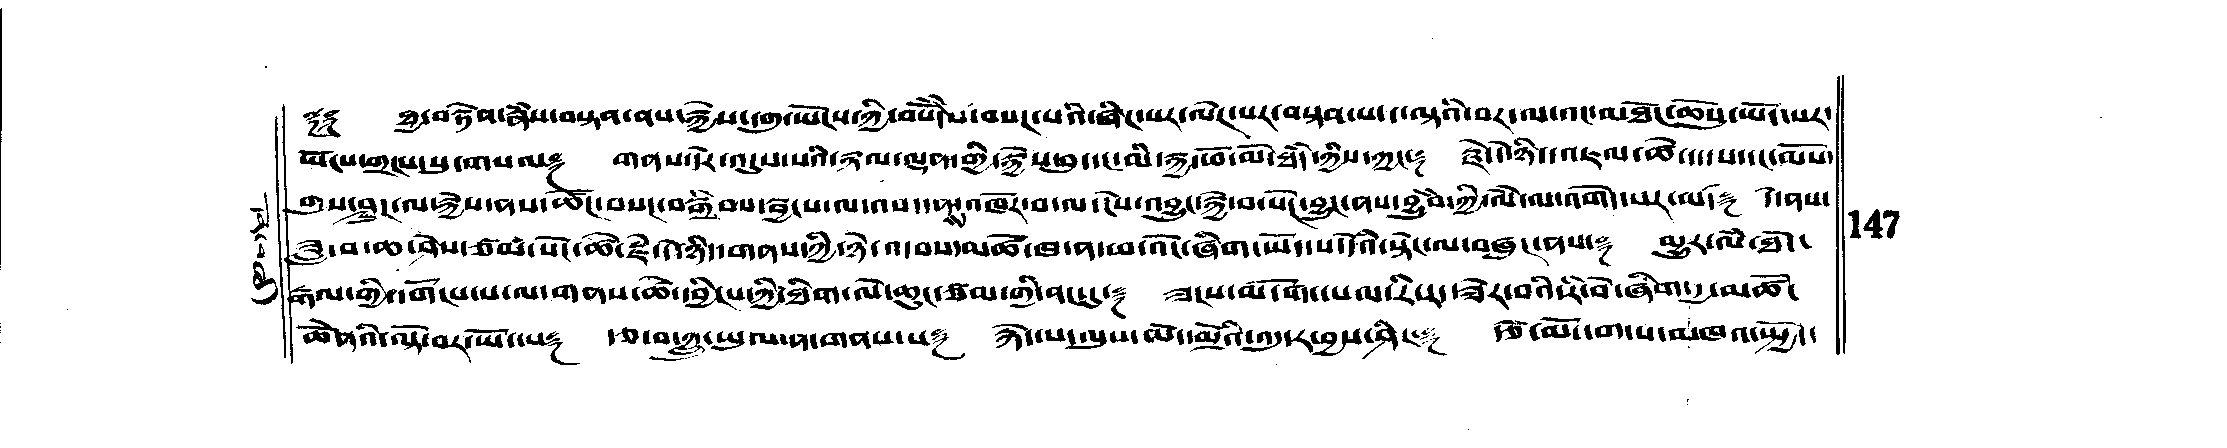ཐུགས་རྟེན་རྣམས་བསྟན་ནས་སྐྱེས་དགུ་ཡོངས་ཀྱི་བསོད་ནམས་བསགས་པའི་ཞིང་སར་ལེགས་པར་བསྟན་པ་ད་ལྟའི་བར་ལའང་མཐོང་ཆོས་སུ་ཡོད་པར་
ཡོངས་གྲགས་སུ་གསལ།གནས་དེར་འདུས་པའི་སྐལ་ལྡན་གྱི་སྐྱེས་བུ་དང་མི་སྐྱ་ཕོ་མོ་ཐམས་ཅད་ཀྱིས་ཀྱང་། རྗེ་དེ་ཉིད་མཇལ་ཚེ་དད་པ་དང་མོས་
གུས་ཤུགས་ལ་སྐྱེས་ནས་ཚོགས་བསགས་སྒྲིབ་སྦྱངས་ལ་འབད་ནས་འཁོར་བ་ལ་ངེས་འབྱུང་སྐྱེ་བ་སོགས་བྱུང་ནས་བྱང་ཆུབ་ཀྱི་ལམ་ལ་འགོད་པར་མཛད། དེ་ནས་
ཟླ་བ་ཆ་ཤས་ཙམ་སོང་ཚེ་རྗེ་དེ་ཉིད་གནས་ཀྱི་ཉེ་འདབས་མཚོ་ཁ་ན་ཕ་བོང་ཞིག་ཡོད་པ་དེའི་སྟེང་ལ་བཞུགས་ནས། མྱུར་ལམ་ཐོད་
རྒལ་གྱི་དགོངས་པ་ལ་གནས་ཚེ་དབྱིངས་ཀྱི་ཐིག་ལེ་ཆུང་ཙམ་གྱི་ནང་དུ། ཟངས་མདོག་དཔལ་རི་རེད་ཟེར་བའི་རི་བོ་ཞིག་རྒྱ་མཚོ་
ཆེན་པོའི་ལྟོ་བར་ཡོད་པ། རྩ་བ་ཀླུ་ཡུལ་ན་གནས་པ། རྐེད་པ་ལུས་མེད་མཁའ་འགྲོའི་འདུར་བྱས་ཤིང་། རྩེ་མོ་དག་པ་མཁའ་སྤྱོད་